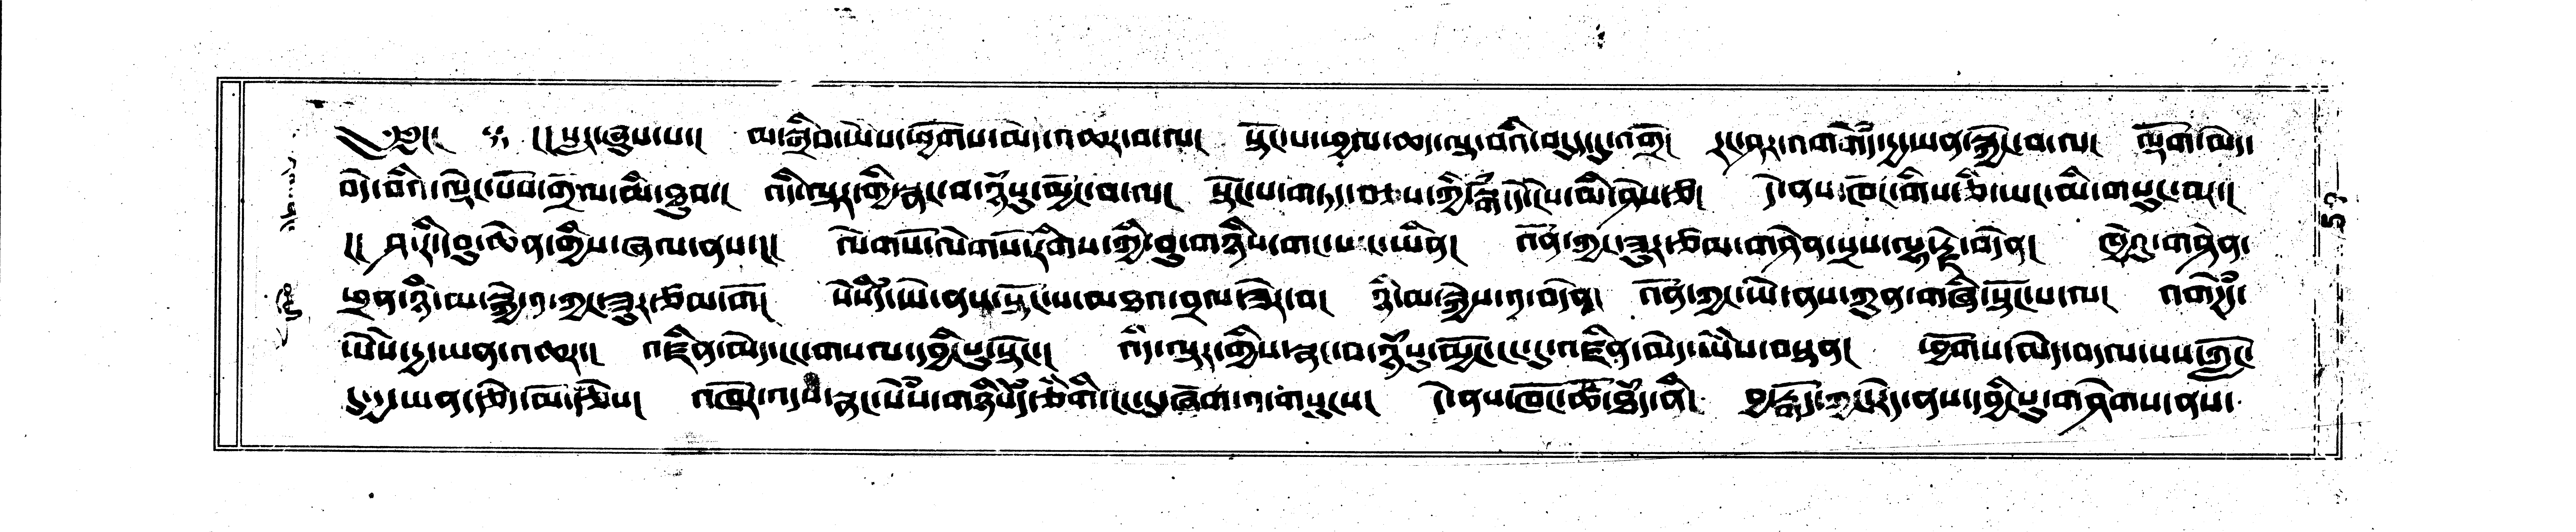སླད་ཞུས་པ། མ་སྒྲིབ་ཡེ་ཤེས་ཕྱོགས་མེད་འཆར་བ་ལ། སྟོང་པ་ཕྱལ་ཆད་ལྟ་བའི་བདུད་དུ་འགྲོ། རང་ཤར་འགག་མེད་རྒྱ་ཡན་སྐྱོང་བ་ལ། ལྡོག་མེད་
བདེ་བའི་ལྡེང་པོས་གྲོལ་མི་ཐུབ། འདི་ལྟར་གྱི་སྣང་བ་ཉམས་སུ་མྱོང་བ་ལ། སྟོང་པ་གཏད་བཅས་ཀྱི་སྒོམ་དེ་ངེས་མི་ཤེས་ཙ། དེ་ནས་ཁོང་གིས་ཅི་ཡང་མི་གསུང་བར། 
ཤ་རི་དབུ་ཆེན་གྱི་ཞལ་ནས། ལེགས་སོ་ལེགས་སོ་རིགས་ཀྱི་བུ་གཉིས་གང་ཡང་ཡིན། འོན་ཀྱང་ཟུར་ཙམ་གཤེན་སྲས་ལྷ་རྗེ་བདེན། ཁྱེའུ་གཤེན་
ཕྲན་ཉི་མ་སྐྱེ་གཅིག་ཀྱང་ཟུར་ཙམ་གོ། སེམས་ཉིད་ཡེ་ནས་སྟོང་པ་མཐའ་བྲལ་ཟེར་བ། ཉི་མ་སྐྱེས་གཅིག་བདེན། འོན་ཀྱང་ཡེ་ནས་ཀུན་གཞི་སྟོང་པ་ལ། འགག་མེད་
ཡེ་ཤེས་རྒྱ་ཡན་འཆར། འཛིན་མེད་ངང་གསལ་དབྱིངས་སུ་སྟོང་། འདི་ལྟར་གྱི་སྣང་བ་ཉམས་སུ་མྱོང་ངང་དུ་འཛིན་མེད་ཡེ་ཤེས་བསྟན། ཕྱོགས་མེད་བདལ་པས་ཀློང་
དུ་རྒྱ་ཡན་རྩེད་མོ་རྩེས། འཁོར་འདས་སྣང་སེམས་གཉིས་མེད་ཅིག་གི་ངང་དུ་ཞོག་ཅིག་གསུངས་། དེ་ནས་ཁོང་ཚོ་ཐམས་ཅད་ནི། བྱ་རྒོད་ཀྱང་༼རྐྱང་༽རེད་༼གྱུར་པའི་དོན༽ནས་དབྱིངས་སུ་གཤེགས་ནས་